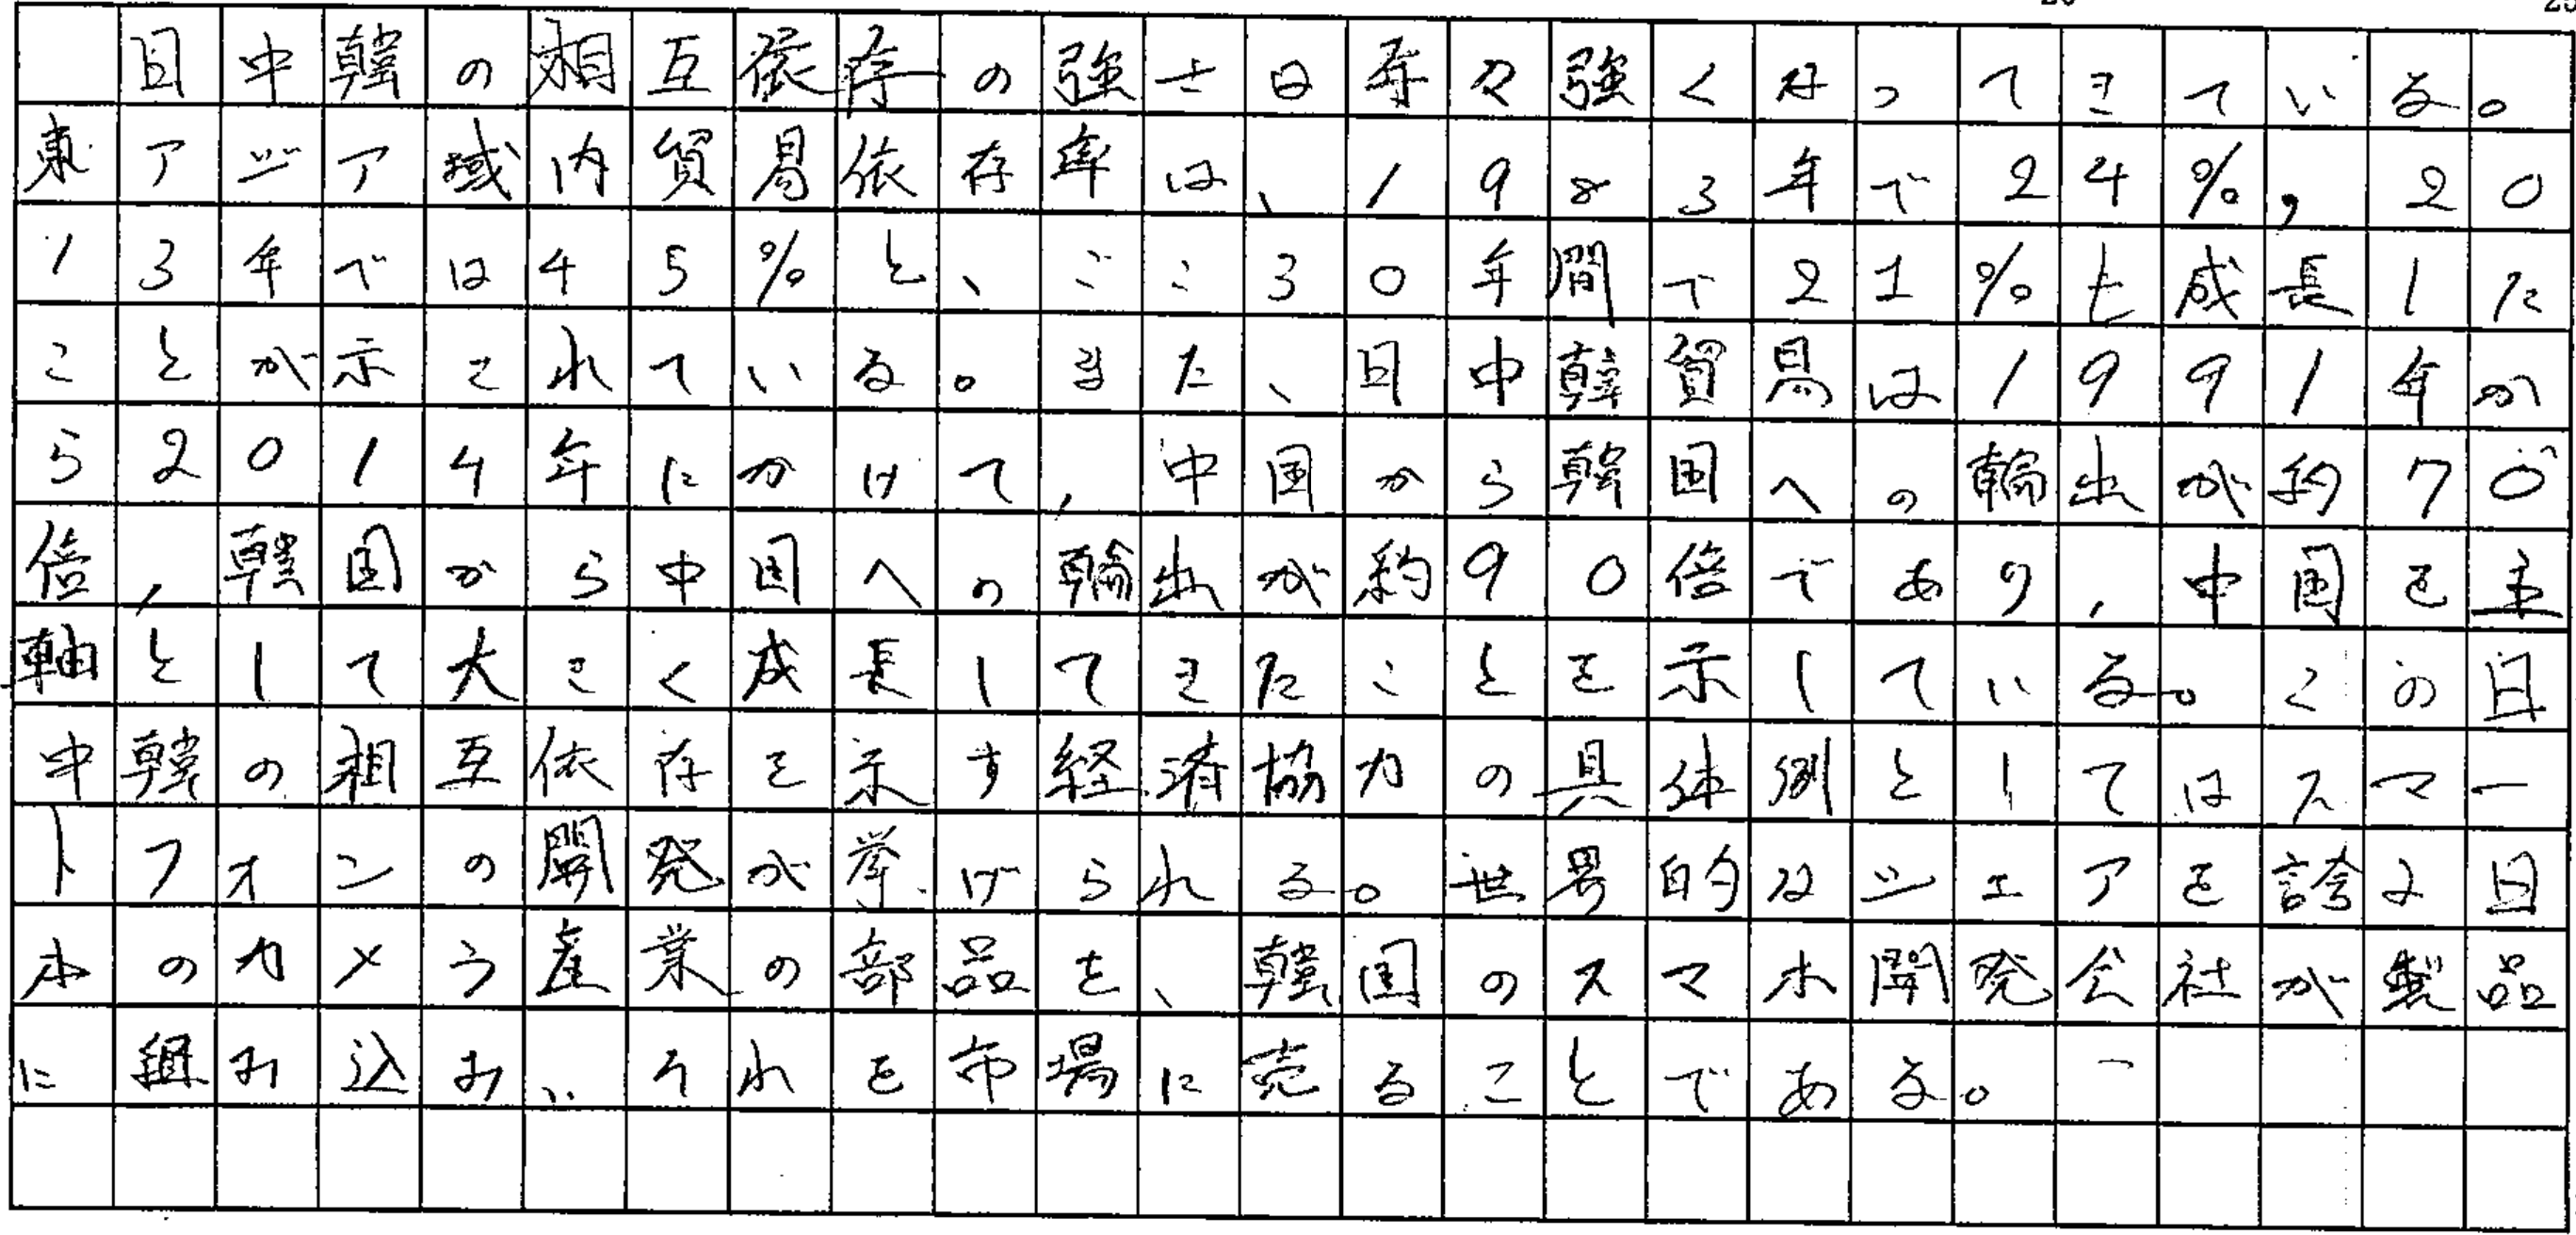　日中韓の相互依存の強さは年々強くなってきている。東アジア域内貿易依存率は、１９８３年で２４％，２０１３年では４５％と、ここ３０年間で２１％も成長したことが示されている。また、日中韓貿易は１９９１年から２０１４年にかけて，中国から韓国への▁出が約７０倍，韓国から中国への▁出が約９０倍であり，中国を主軸として大きく成長してきたことを示している。この日中韓の相互依存を示す経済協力の具体例としてはスマートフォンの開発が挙げられる。世界的なシェアを誇る日本のカメラ産業の部品を、韓国のスマホ開発会社が製品に組み込み、それを市場に売ることである。
